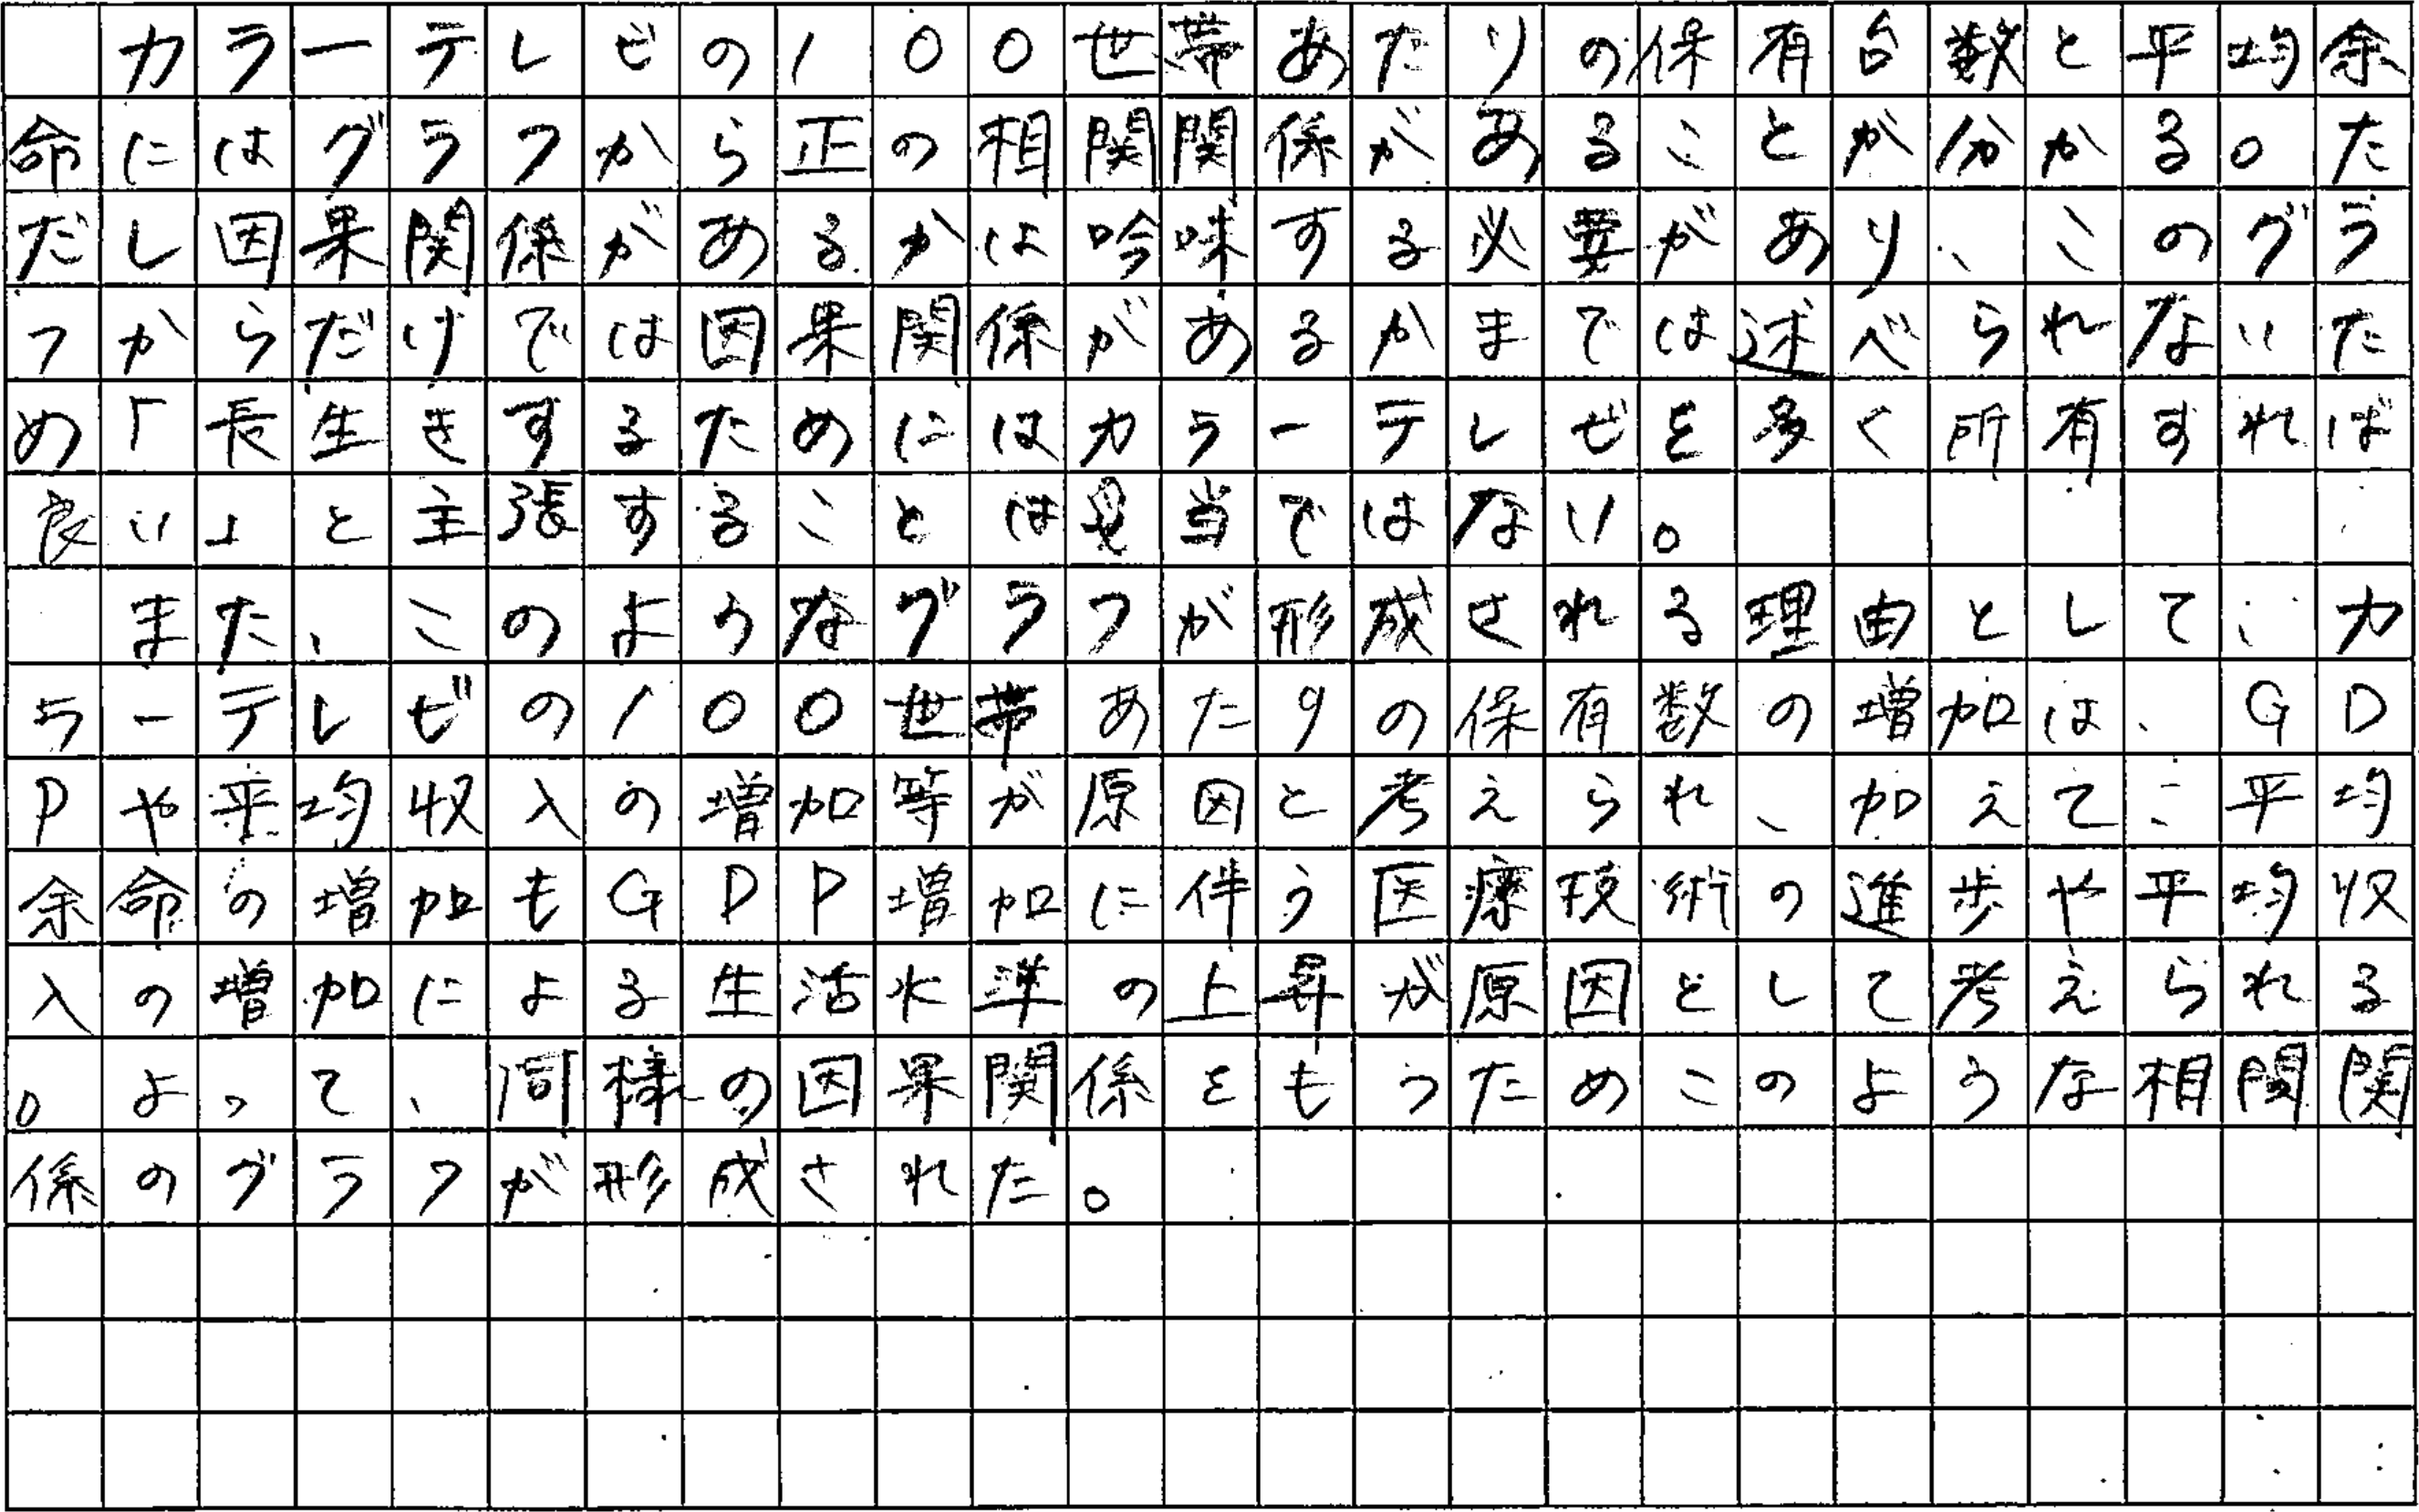　カラーテレビの１００世帯あたりの保有台数と平均余命にはグラフから正の相関関係があることが分かる。ただし因果関係があるかは吟味する必要があり、このグラフからだけでは因果関係があるかまでは述べられないため「長生きするためにはカラーテレビを多く所有すれば良い」と主張することは妥当ではない。
　また、このようなグラフが形成される理由として、カラーテレビの１００世帯あたりの保有数の増加は、ＧＤＰや平均収入の増加等が原因と考えられ、加えて、平均余命の増加もＧＤＰ増加に伴う医療技術の進歩や平均収入の増加による生活水準の上昇が原因として考えられる。よって、同様の因果関係をもつためこのような相関関係のグラフが形成された。
